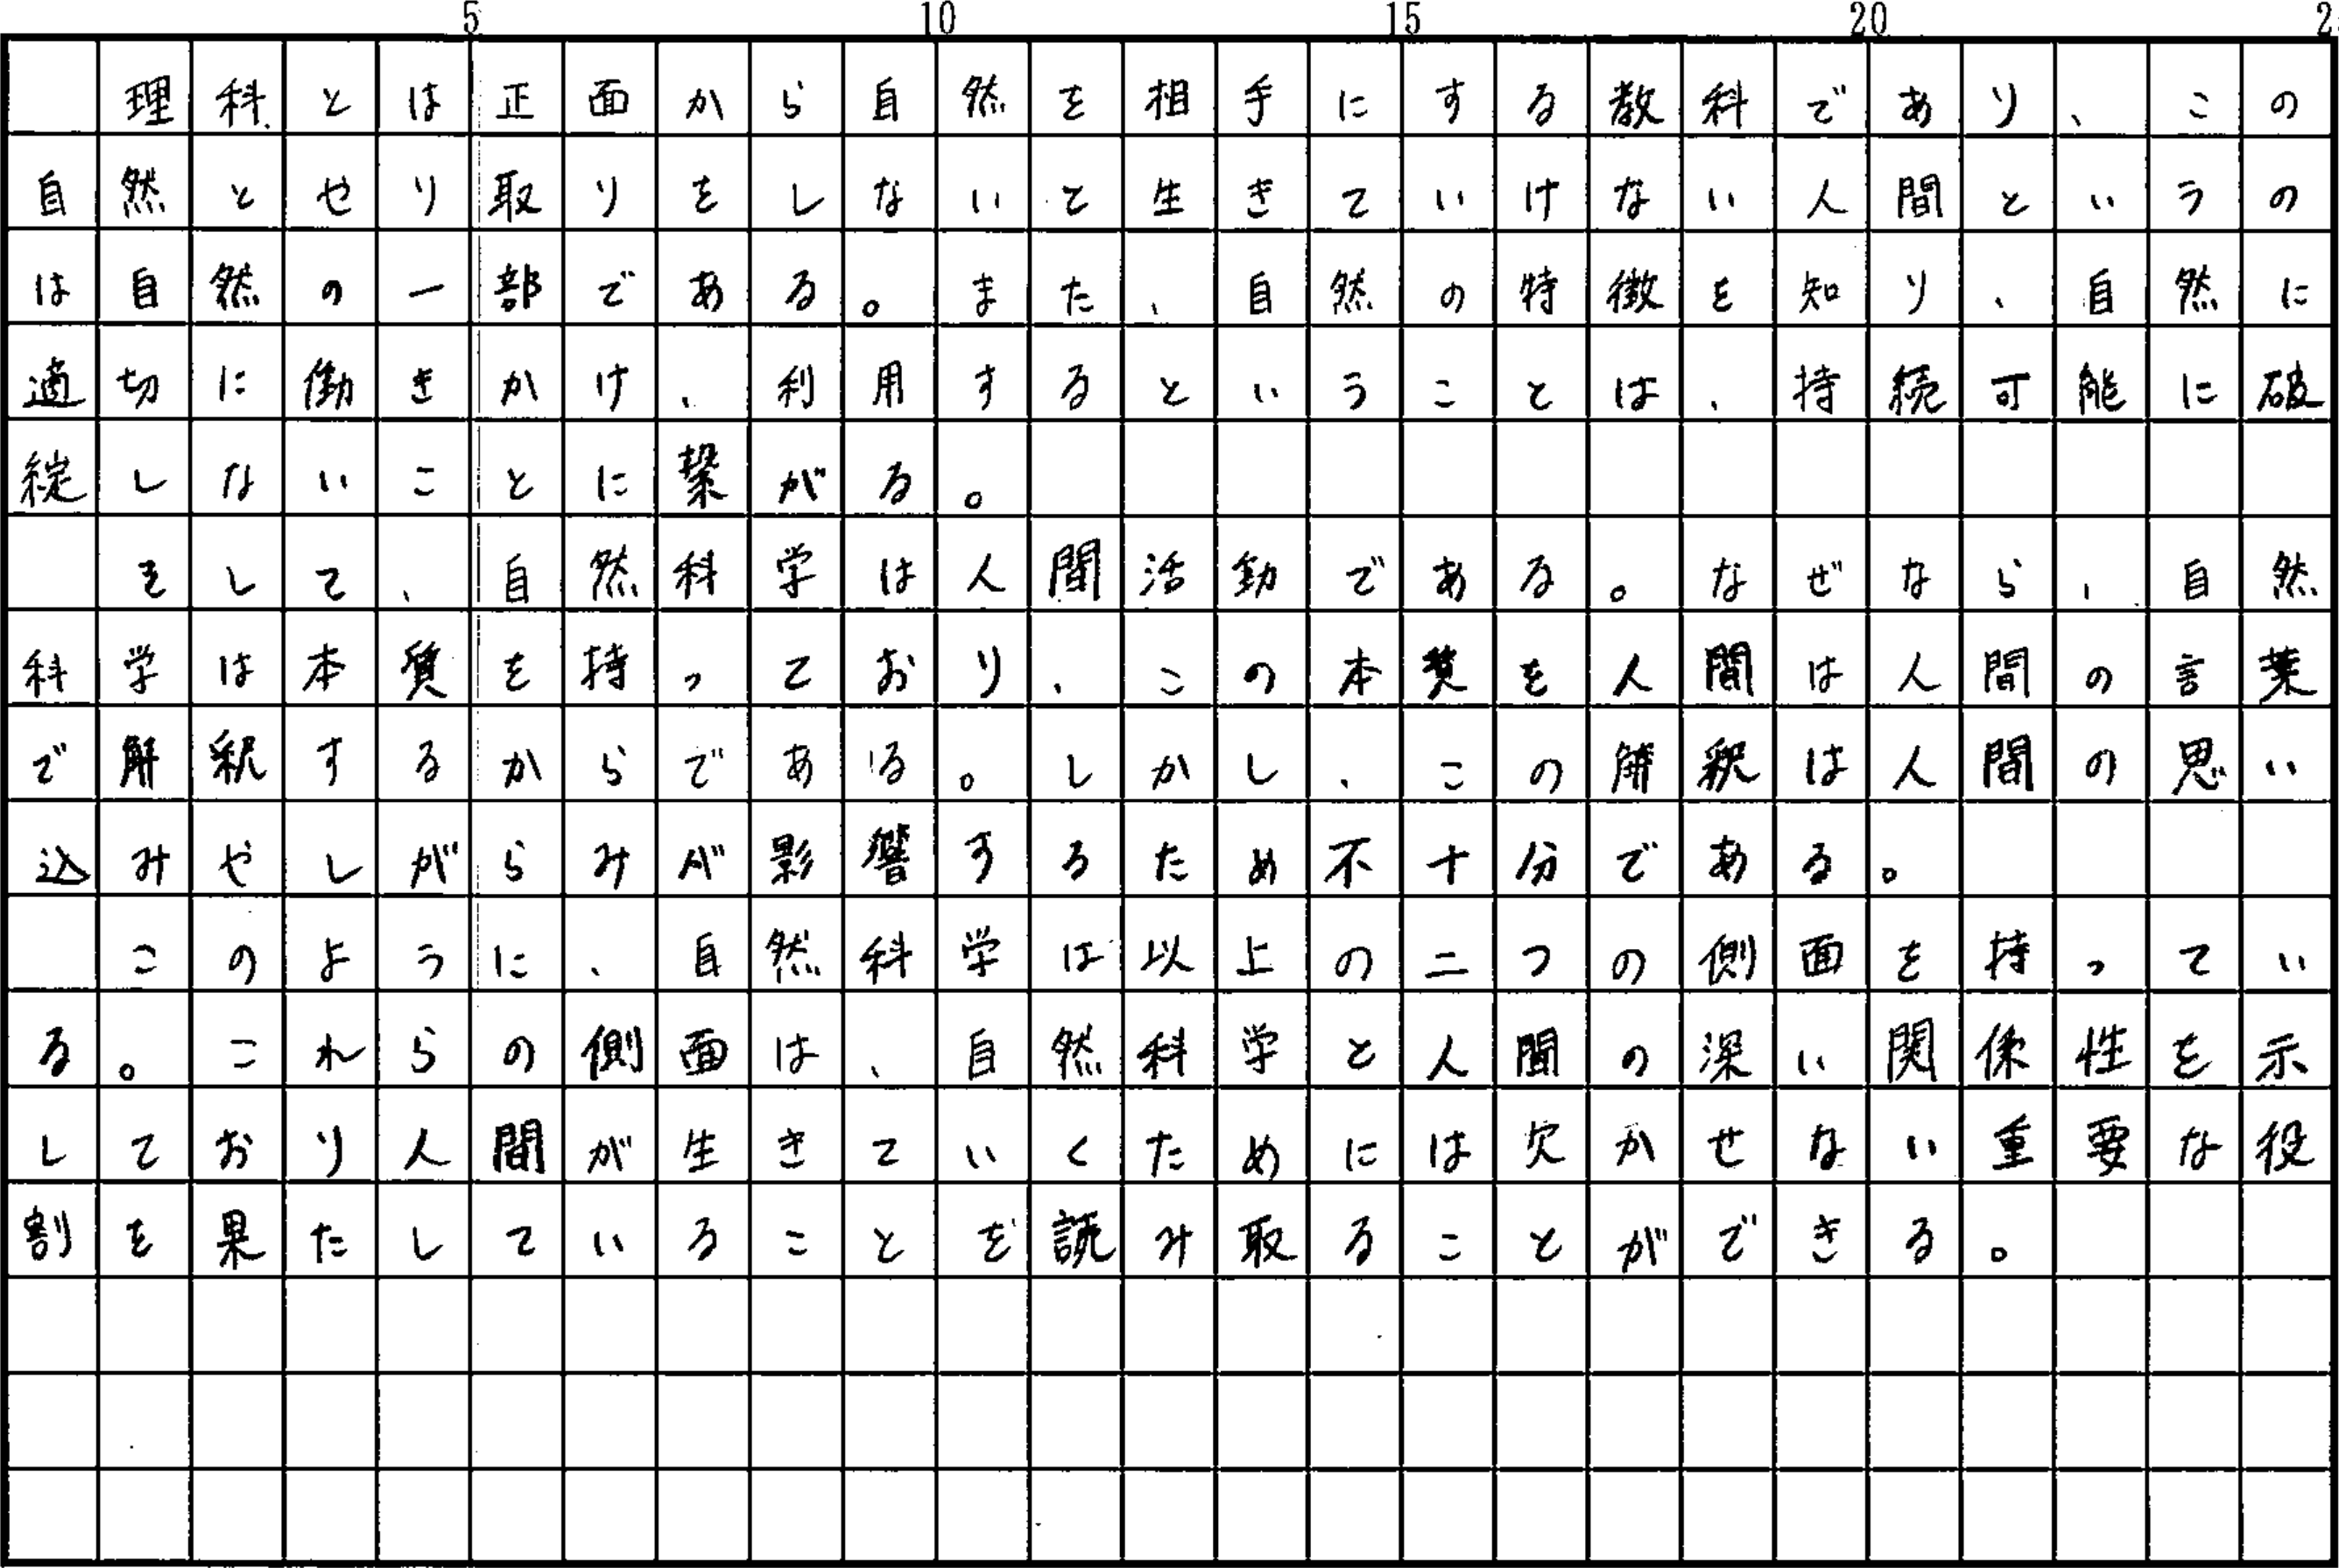　理科とは正面から自然を相手にする教科であり、この自然とやり取りをしないと生きていけない人間というのは自然の一部である。また、自然の特徴を知り、自然に適切に働きかけ、利用するということは、持続可能に破綻しないことに繋がる。
　そして、自然科学は人間活動でる。なぜなら、自然科学は本質を持っており、この本質を人間は人間の言葉で解釈するからである。しかし、この解釈は人間の思い込みやしがらみが影響するため不十分である。
　このように、自然科学は以上の二つの側面を持っている。これらの側面は、自然科学と人間の深い関係性を示しており人間が生きていくためには欠かせない重要な役割を果たしていることを読み取ることができる。
